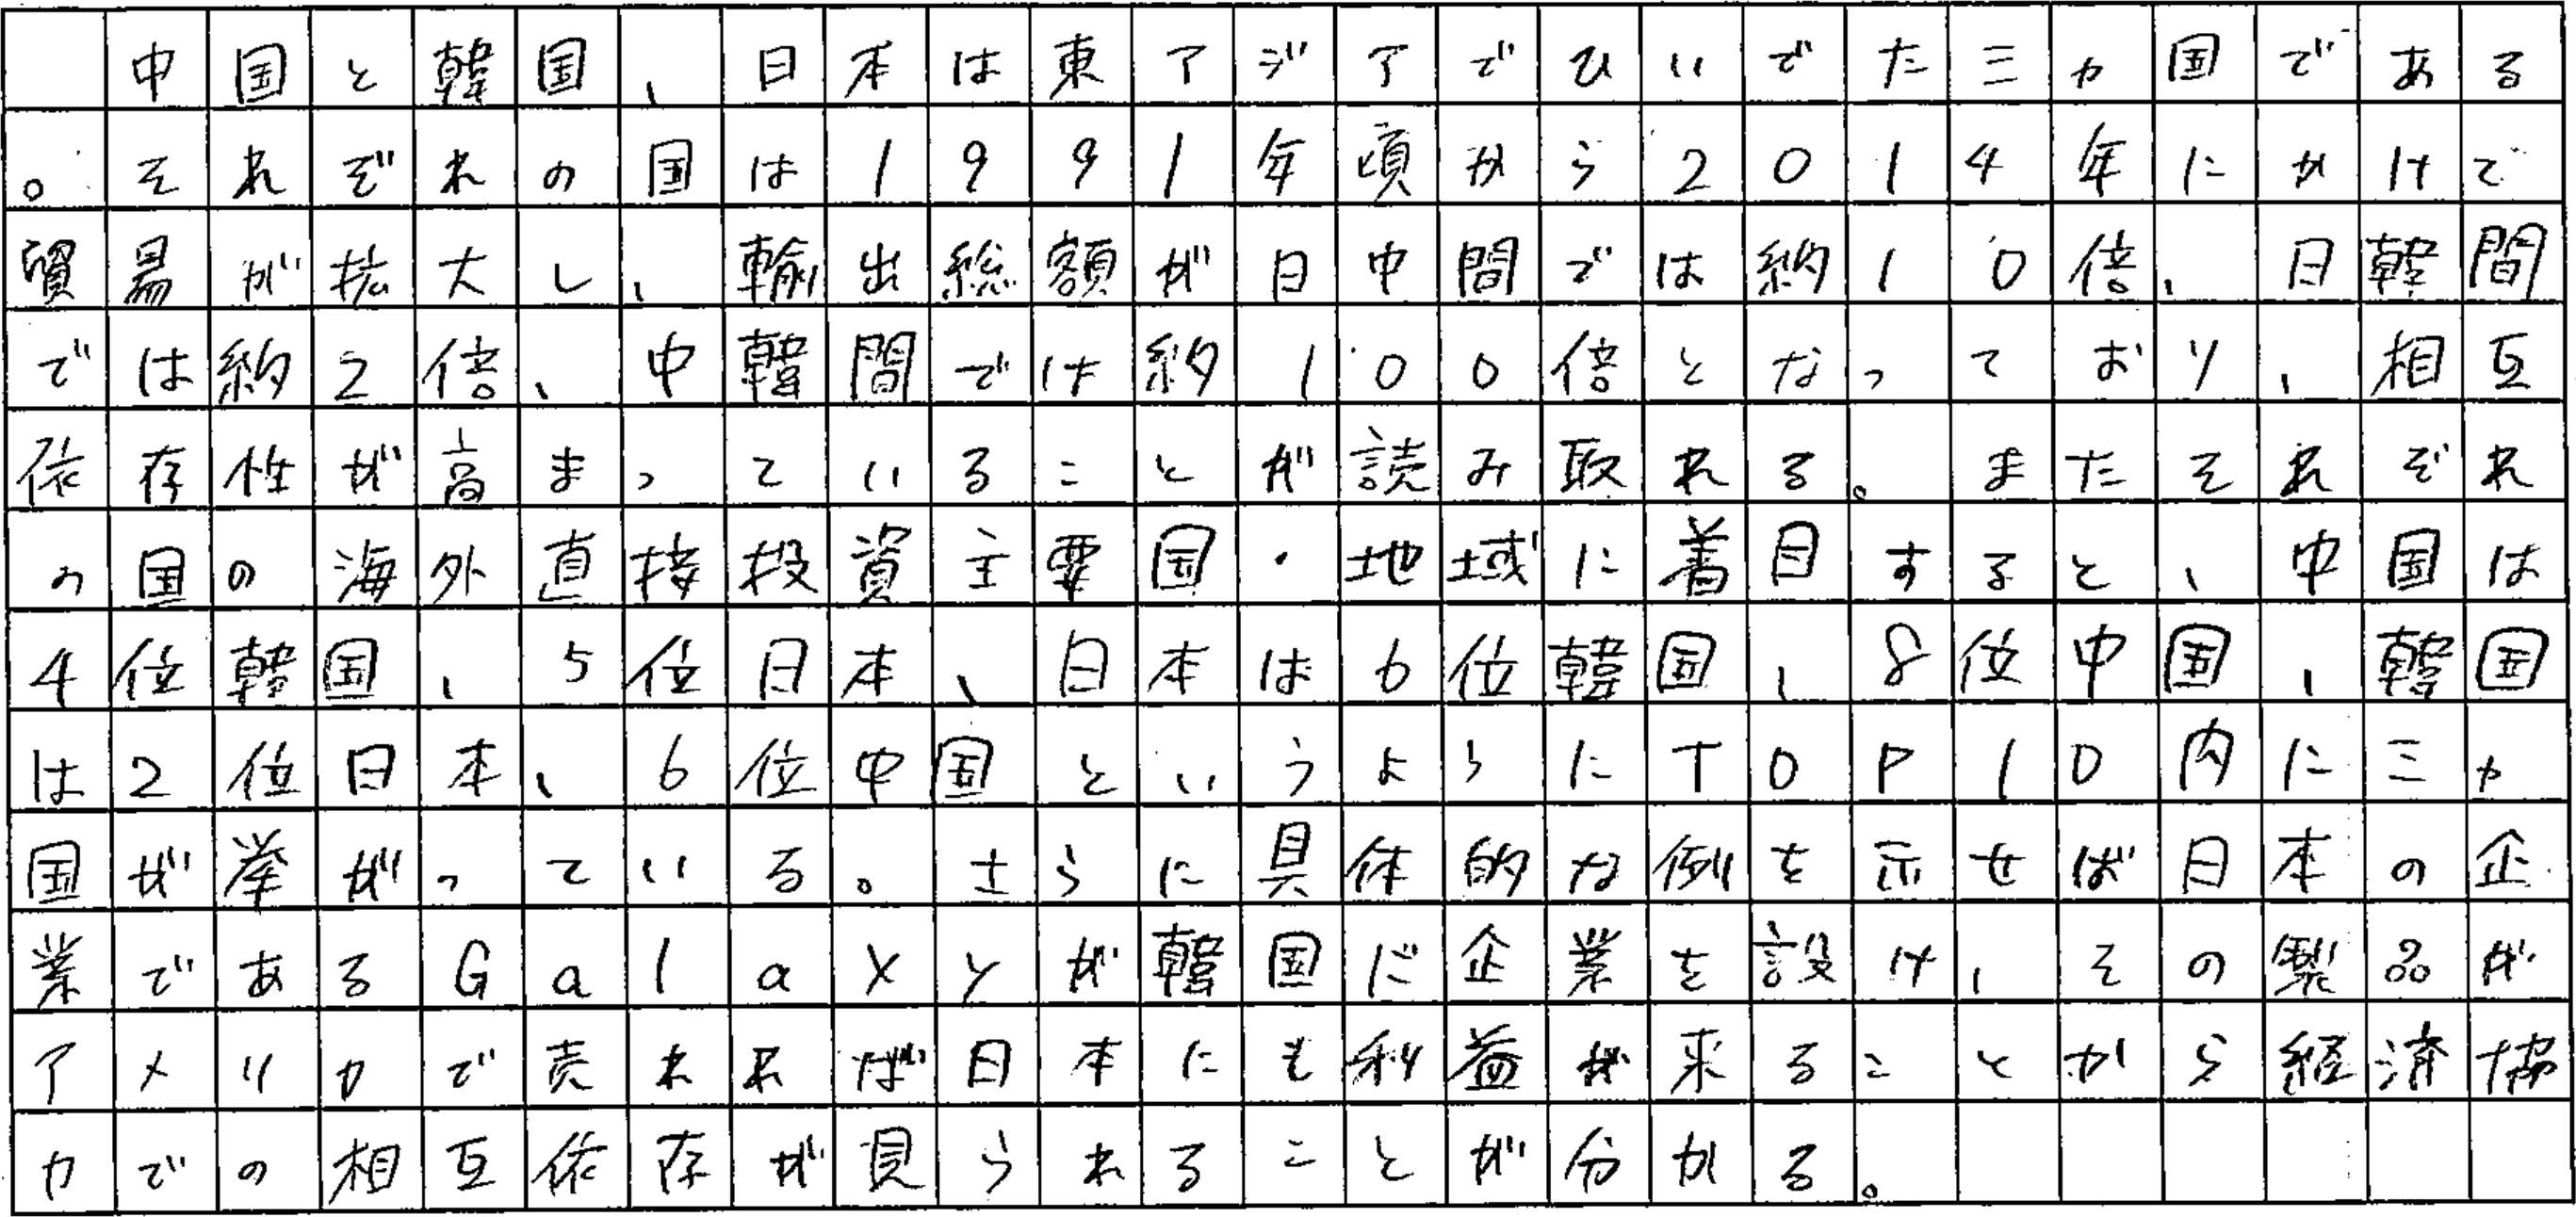　中国と韓国、日本は東アジアでひいでた三ヵ国である。それぞれの国は１９９１年頃から２０１４年にかけて貿昜が拡大し、輸出総額が日中間では約１０倍、日韓間では約２倍、中韓間では約１００倍となっており、相互依存性が高まっていることが読み取れる。またそれぞれの国の海外直接投資主要国・地域に着目すると、中国は４位韓国、５位日本、日本は６位韓国、８位中国、韓国は２位日本、６位中国というようにＴＯＰ１０内に三ヵ国が挙がっている。さらに具体的な例を示せば日本の企業であるＧａｌａｘｙが韓国に企業を設け、その製品がアメリカで売れれば日本にも利益が来ることから経済協力での相互依存が見られることが分かる。
